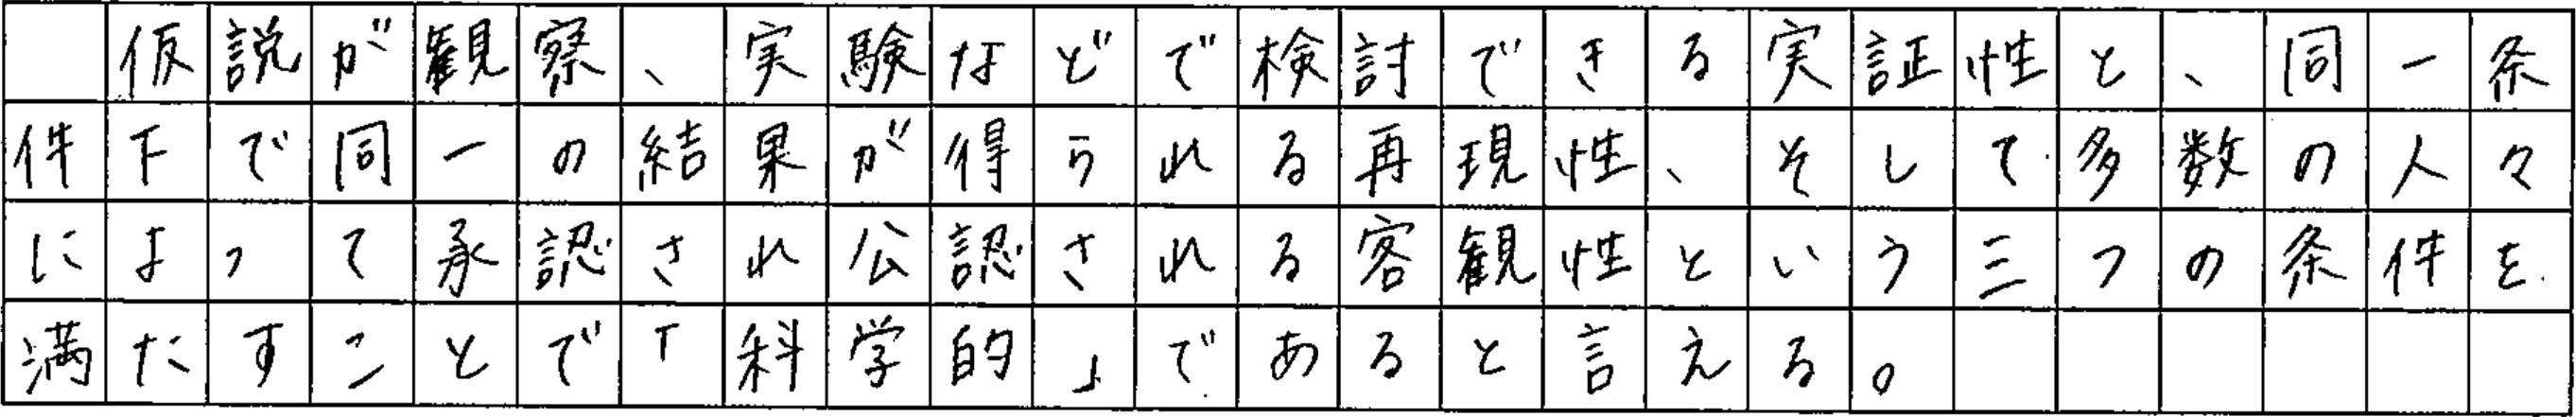　仮説が観察、実験などで検討できる実証性と、同一条件下で同一の結果が得られる再現性、そして多数の人々によって承認され公認される客観性という三つの条件を満たすことで「科学的」であると言える。
